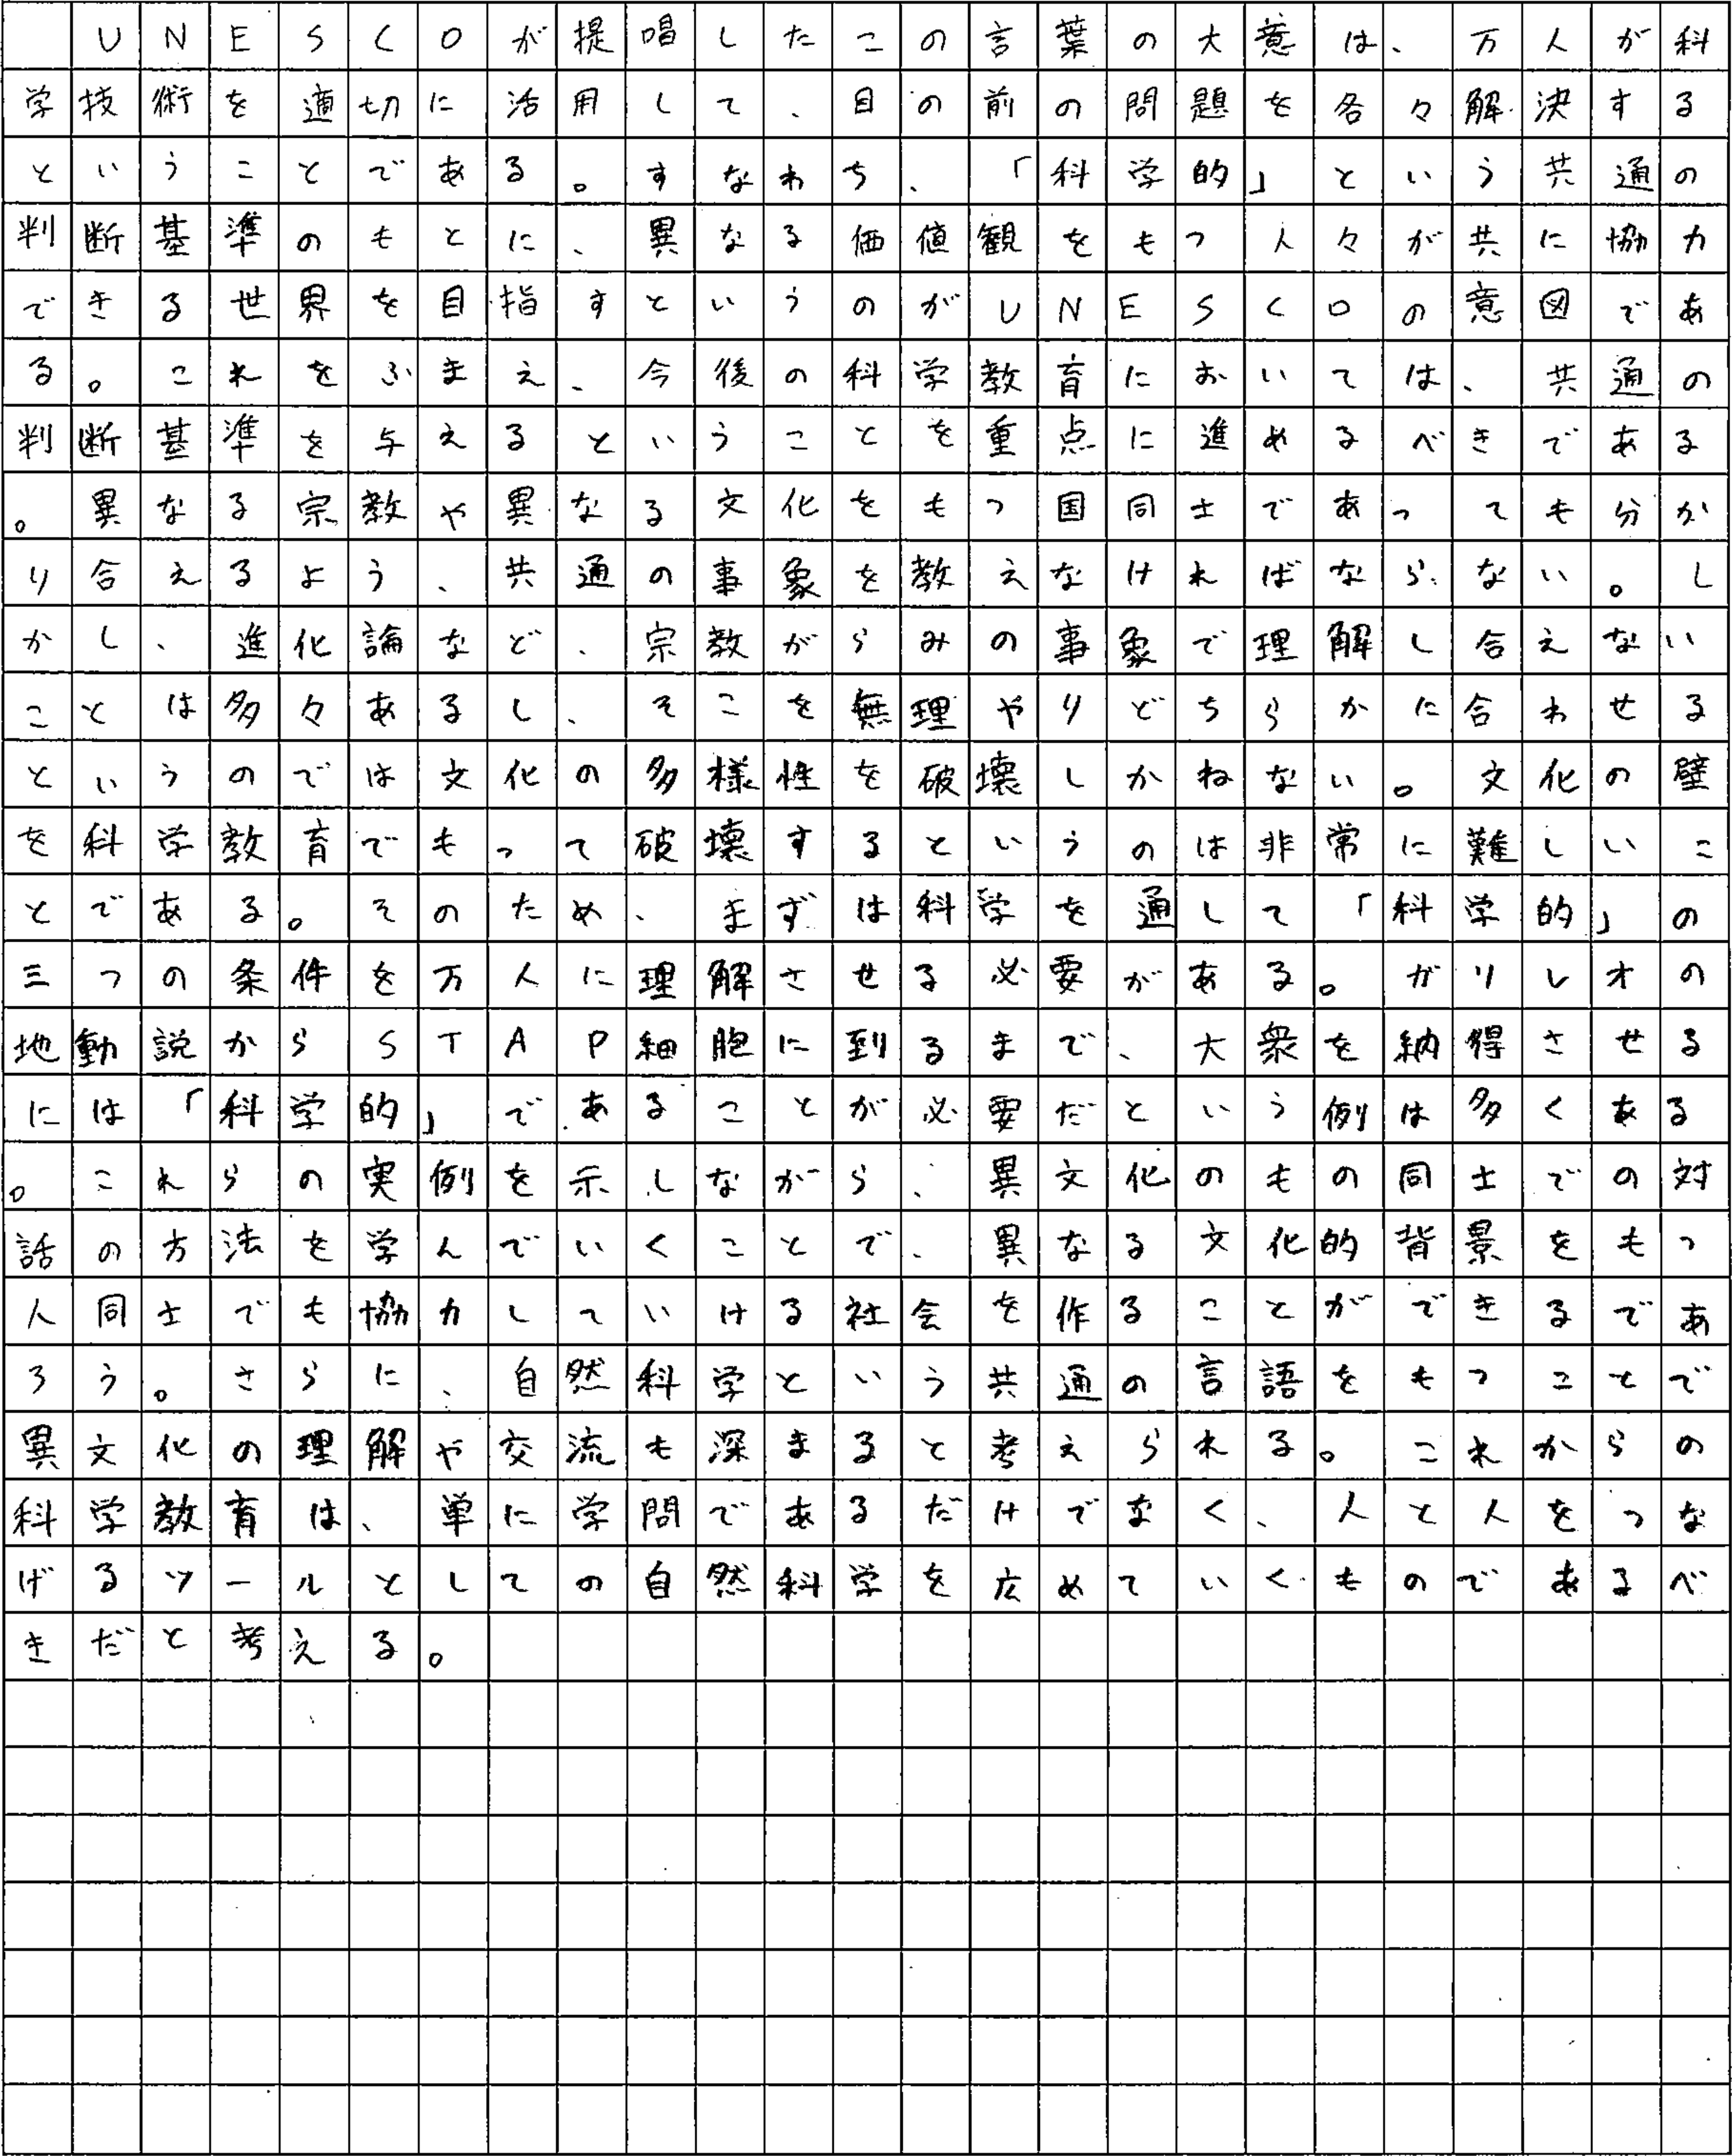　ＵＮＥＳＣＯが提唱したこの言葉の大意は、万人が科学技術を適切に活用して、目の前の問題を各々解決するということである。すなわち、「科学的」という共通の判断基準のもとに、異なる価値観をもつ人々が共に協力できる世界を目指すというのがＵＮＥＳＣＯの意図である。これをふまえ、今後の科学教育においては、共通の判断基準を与えるということを重点に進めるべきである。異なる宗教や異なる文化をもつ国同士であっても分かり合えるよう、共通の事象を教えなければならない。しかし、進化論など、宗教がらみの事象で理解しあえないことは多々あるし、そこを無理やりどちらかに合わせるというのでは文化の多様性を破壊しかねない。文化の壁を科学教育でもって破壊するというのは非常に難しいことである。そのため、まずは科学を通して「科学的」の三つの条件を万人に理解させる必要がある。ガリレオの地動説からＳＴＡＰ細胞に到るまで、大衆を納得させるには「科学的」であることが必要だという例は多くある。これらの実例を示しながら、異文化のもの同士での対話の方法を学んでいくことで、異なる文化的背景をもつ人同士でも協力していける社会を作ることができるであろう。さらに、自然科学という共通の言語をもつことで異文化の理解や交流も深まると考えられる。これからの科学教育は、単に学問であるだけでなく、人と人をつなげるツールとしての自然科学を広めていくものであるべきだと考える。
